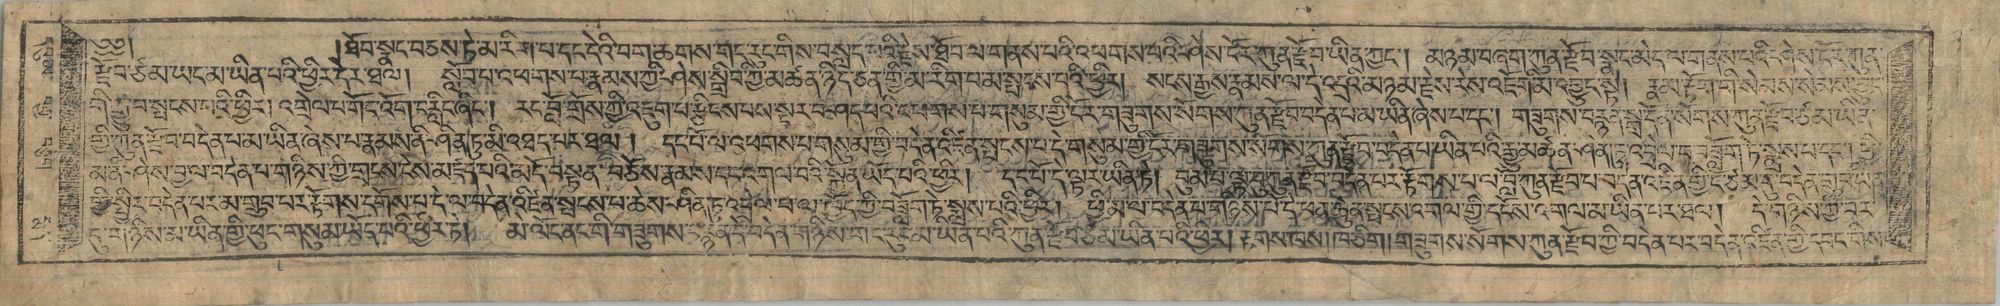༄༅། །ཐོབ་སྣང་བཅས་ཏེ་མ་རིག་པ་དང་དེའི་བག་ཆགས་གང་རུང་གིས་བསླད་པའི་རྗེས་ཐོབ་ལ་གནས་པའི་འཕགས་པའི་ཤེས་ངོར་ཀུན་རྫོབ་ཡིན་ཀྱང་། མཉམ་བཞག་ཀུན་རྫོབ་སྣང་མེད་ལ་གནས་པའི་ཤེས་ངོར་ཀུན་
རྫོབ་ཙམ་ཡང་མ་ཡིན་པའི་ཕྱིར་དེར་ཐལ། སློབ་པ་འཕགས་པ་རྣམས་ཀྱི་ཤེས་སྒྲིབ་ཀྱི་མཚན་ཉིད་ཅན་གྱི་མ་རིག་པ་མ་སྤངས་པའི་ཕྱིར། སངས་རྒྱས་རྣམས་ལ་དེ་འདྲའི་མཉམ་རྗེས་རེས་འཇོག་མ་འབྱུང་སྟེ། རྣམ་རྟོག་གི་སེམས་སེམས་བྱུང་
གི་རྒྱུ་བ་སྤངས་པའི་ཕྱིར། འགྲེལ་པ་གོང་འོག་བརླིང་ཞིང་། རང་བློ་གྲོས་ཀྱི་འཇུག་པ་རྩིངས་པས་སྔར་བཤད་པའི་འཕགས་པ་གསུམ་གྱི་ངོར་གཟུགས་སོགས་ཀུན་རྫོབ་བདེན་པ་མ་ཡིན་ཞེས་པ་དང་། གཟུགས་བརྙན་སྒྲ་དོན་སོགས་ཀུན་རྫོབ་ཙམ་ཡིན་
གྱི་ཀུན་རྫོབ་བདེན་པ་མ་ཡིན་ཞེས་པ་རྣམས་ནི་ཤིན་ཏུ་མི་འཐད་པར་ཐལ། དང་པོ་ལ་འཕགས་པ་གསུམ་གྱི་བདེན་འཛིན་སྤངས་པ་དེ་གསུམ་གྱི་ངོར་གཟུགས་སོགས་ཀུན་རྫོབ་བདེན་པ་ཡིན་པའི་རྒྱུ་མཚན་ཤིན་ཏུ་འབྲེལ་བ་བཟློག་ཏེ་སྨྲས་པ་དང་། ཕྱི་
མ་ནི་ཤེས་བྱ་ལ་བདེན་པ་གཉིས་ཀྱི་གྲངས་ངེས་མཛད་པའི་མདོ་བསྟན་བཅོས་རྣམས་དང་འགལ་བའི་སྐྱོན་ཡོད་པའི་ཕྱིར། དང་པོ་དེ་ལྟར་ཡིན་ཏེ། བུམ་པ་ལྟ་བུ་ཀུན་རྫོབ་བདེན་པར་རྟོགས་པ་ལ་བློ་ཀུན་རྫོབ་པ་བདེན་འཛིན་གྱི་ངོ་ཙམ་དུ་བདེན་གྲུབ་ཡིན་
གྱི་སྤྱིར་བདེན་པར་མ་གྲུབ་པར་རྟོགས་དགོས་པ་དེ་ལ་བདེན་འཛིན་སྤངས་པ་ཆེས་ཤིན་ཏུ་འབྲེལ་བ་ལ་ཁྱོད་ཀྱི་བཟློག་ཏེ་སྨྲས་པའི་ཕྱིར། ཕྱི་མ་ལ་བདེན་པ་གཉིས་པོ་དེ་ཕན་ཚུན་སྤངས་འགལ་གྱི་དངོས་འགལ་མ་ཡིན་པར་ཐལ། དེ་གཉིས་ཀྱི་བར་
དུ་གཉིས་མ་ཡིན་གྱི་ཕུང་གསུམ་ཡོད་པའི་ཕྱིར་ཏེ། མེ་ལོང་ནང་གི་གཟུགས་བརྙན་དེ་བདེན་གཉིས་གང་རུང་མ་ཡིན་པའི་ཀུན་རྫོབ་ཙམ་ཡིན་པའི་ཕྱིར། རྟགས་ཁས། ཁ་ཅིག །གཟུགས་སོགས་ཀུན་རྫོབ་ཀྱི་བདེན་པར་བདེན་འཛིན་གྱི་དབང་གིས་